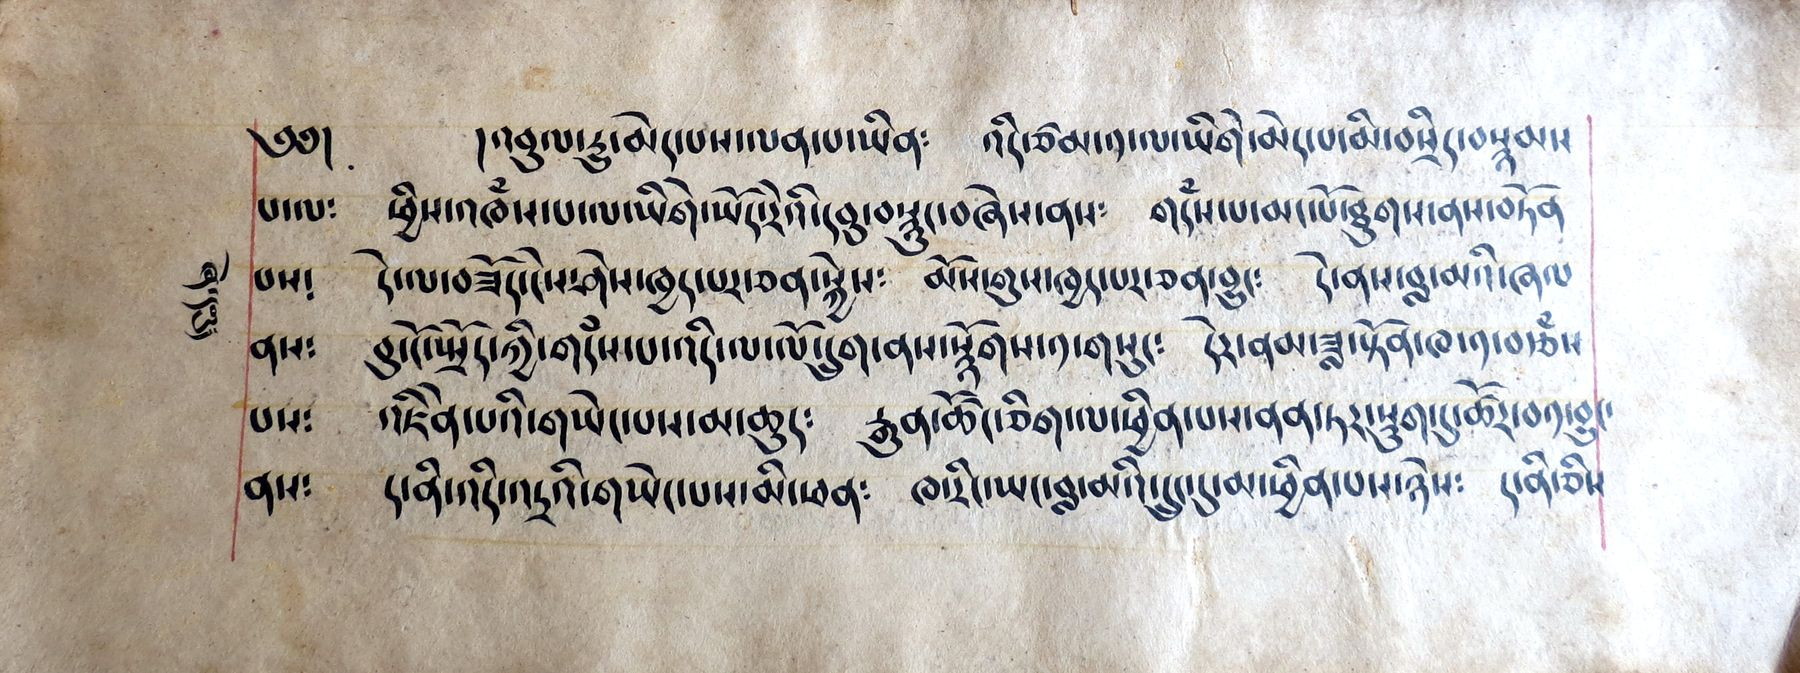འབུལ་རྒྱུ་མེད་པས་ལེན་པ་ཡིན། འདི་ཙམ་ཞིག་ལ་ཡི་གེ་མེད་པ་མི་སྲིད་སྙམ་
པ་ལ། ཕྱིས་ཁམས་པ་ལ་ཡི་གེ་ཡོད་རེའི་དབུ་བསྙུངས་བཞེས། གདམས་པ་མང་པོ་ཐུགས་ནས་བཏོན་
ནས། དེ་ལ་བཟོད་ངེས་ཤེས་ཁྱད་པར་ཅན་སྐྱེས། མོས་གུས་ཁྱད་པར་ཅན་ཆུད་པས། དེ་ནས་བླ་མའི་ཞལ་
ནས། བུ་ངོ་སྤྲོད་ཀྱི་གདམས་པ་འདི་ལ་ལོ་དྲུག་ནས་སྙོགས་ཅིག་གསུངས། དེར་ནམ་ཟླ་སྟོན་ཁ་ཞིག་བརྩམས་
པས། འཇིག་རྟེན་བའི་གཡེང་བས་མ་ཆུད། རྒུན་ཚོང་ཞིག་ལ་ཕྱིན་པས་ནན་ཏར་སྡུག་ཏུ་ཚོར་བ་ཞིག་བྱུང་
ནས། ད་ནི་འདི་འདྲའི་གཡེང་བས་མི་ཕན། ཁ་སེང་ཡང་བླ་མའི་དྲུང་དུ་མ་ཕྱིན་པས་ཉེས། ད་ནི་ཅིས་